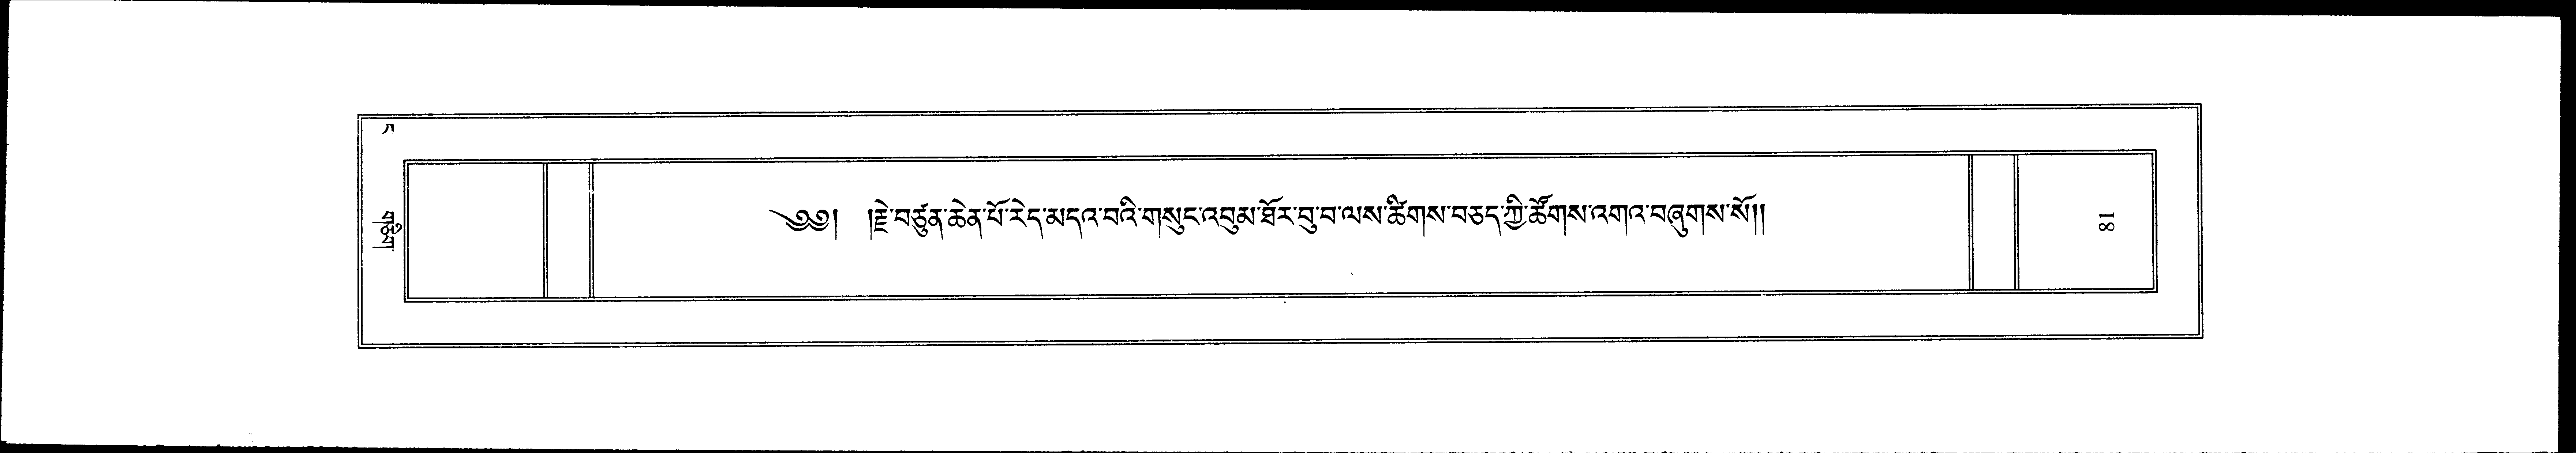༄༅། །རྗེ་བཙུན་ཆེན་པོ་རེད་མདའ་བའི་གསུང་འབུམ་ཐོར་བུ་བ་ལས་ཚིགས་བཅད་ཀྱི་ཚོགས་འགའ་བཞུགས་སོ།།